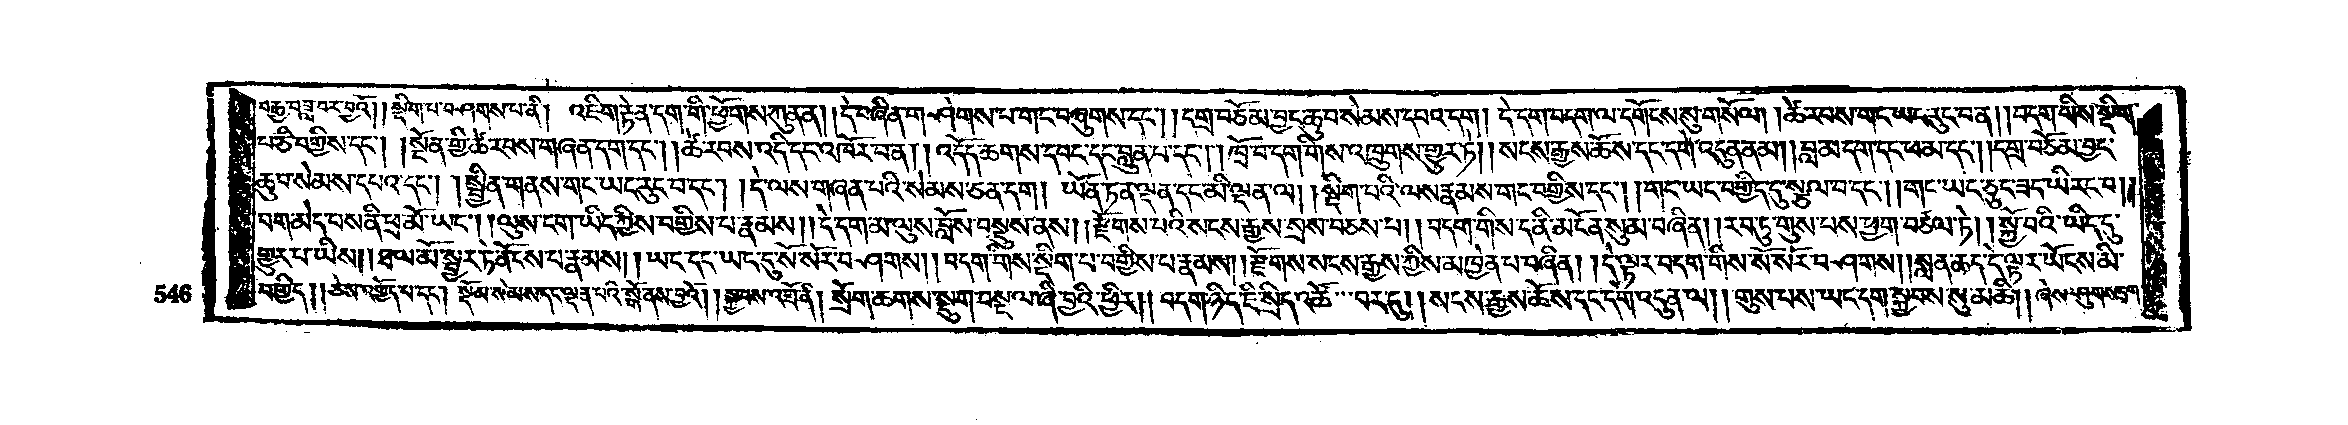བརྒྱ་བཟླ་བར་བྱའོ། །སྡིག་པ་བཤགས་པ་ནི། འཇིག་རྟན་དག་གི་ཕྱོགས་ཀུན་ན། །དེ་བཞིན་གཤེགས་པ་གང་བཞུགས་དང་། །དགྲ་བཅོམ་བྱང་ཆུབ་སེམས་དཔའ་དག །དེ་དག་བདག་ལ་དགོངས་སུ་གསོལ། །ཚེ་རབས་གང་ཡང་རུང་བ་ན། །བདག་གིས་སྡིག་
པ་ཅི་བགྱིས་དང་། །སྔོན་གྱི་ཚེ་རབས་གཞན་དག་དང་། །ཚེ་རབས་འདི་དང་འཁོར་བ་ན། །འདོད་ཆགས་དབང་དང་བླུན་པ་དང་། །ཁྲོ་བ་དག་གིས་འཁྲུགས་གྱུར་ཏེ། །སངས་རྒྱས་ཆོས་དང་དགེ་འདུན་ནམ། །བླ་མ་དག་དང་ཕ་མ་དང་། །དགྲ་བཅོམ་བྱང་
ཆུབ་སེམས་དཔའ་དང་། །སྦྱིན་གནས་གང་ཡང་རུང་བ་དང་། །དེ་ལས་གཞན་པའི་སེམས་ཅན་དག །ཡོན་ཏན་ལྡན་དང་མི་ལྡན་ལ། །སྡིག་པའི་ལས་རྣམས་གང་བགྱིས་དང་། །གང་ཡང་བགྱིད་དུ་སྩལ་བ་དང་། །གང་ཡང་ཅུང་ཟད་ཡི་རང་བ། །
བག་མེད་པས་ནི་ཕྲ་མོ་ཡང་། །ལུས་ངག་ཡིད་ཀྱིས་བགྱིས་པ་རྣམས། །དེ་དག་མ་ལུས་བློས་བསྡུས་ནས། །རྫོགས་པའི་སངས་རྒྱས་སྲས་བཅས་པ། །བདག་གིས་ད་ནི་མངོན་སུམ་བཞིན། །རབ་ཏུ་གུས་པས་ཕྱག་བཙལ་ཏེ། །སྐྱོ་བའི་ཡིད་དུ་
གྱུར་པ་ཡིས། །ཐལ་མོ་སྦྱར་ཏེ་ནོངས་པ་རྣམས། །ཡང་དང་ཡང་དུ་སོ་སོར་བཤགས། །བདག་གིས་སྡིག་པ་བགྱིས་པ་རྣམས། །རྫོགས་སངས་རྒྱས་ཀྱིས་མཁྱེན་པ་བཞིན། །དེ་ལྟར་བདག་གིས་སོ་སོར་བཤགས། །སླན་ཆད་དེ་ལྟར་ཡོངས་མི་
བགྱིད། ། ཅེས་འགྱེད་པ་དང་། སྡོམ་སེམས་དང་ལྡན་པའི་སྒོ་ནས་བྱའོ། །སྐྱབས་འགྲོ་ནི། སྲོག་ཆགས་སྡུག་བསྔལ་ཞི་བྱའི་ཕྱིར། །བདག་ཉིད་ཇི་སྲིད་འཚོ་བར་དུ། །སངས་རྒྱས་ཆོས་དང་དགེ་འདུན་ལ། །གུས་པས་ཡང་དག་སྐྱབས་སུ་མཆི། །ཞེས་ཤུགས་དྲག་